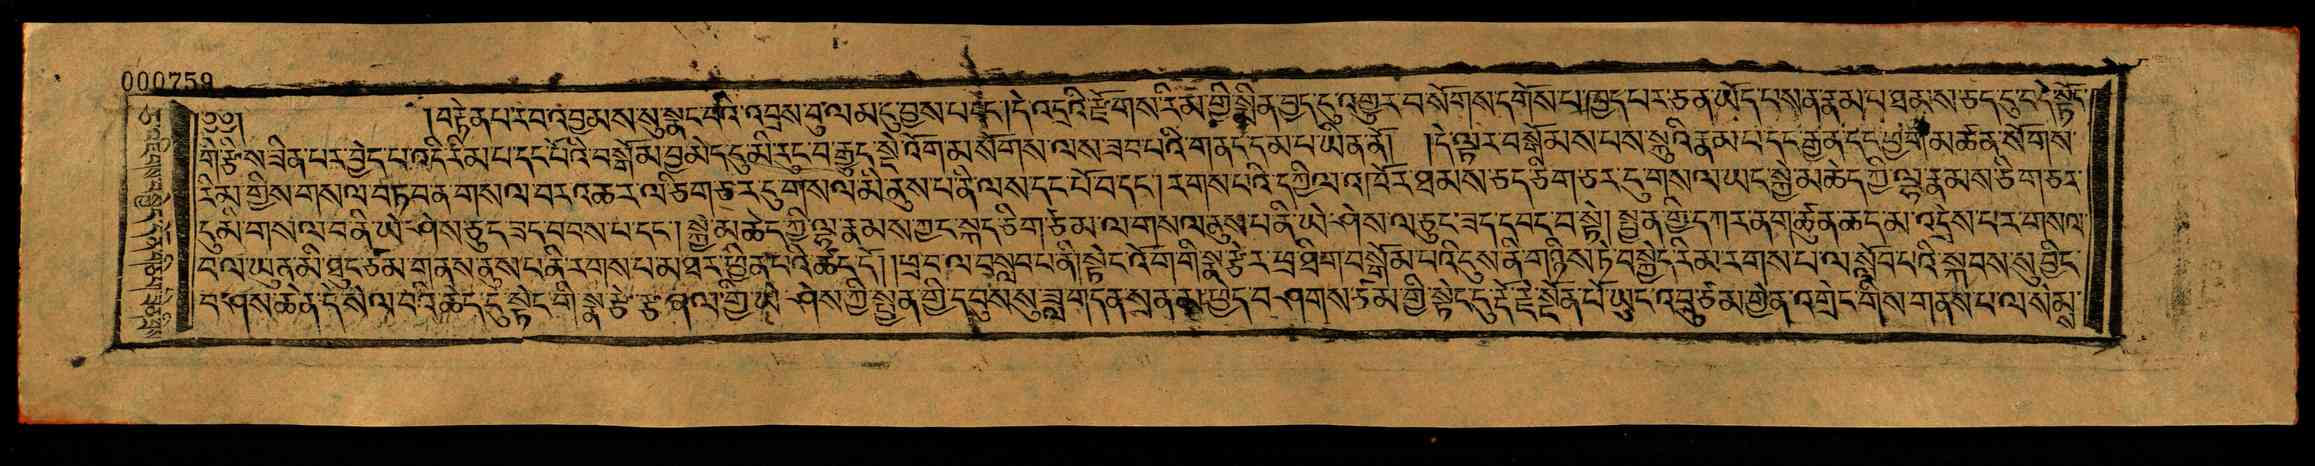༄༅། །བརྟེན་པ་རབ་འབྱམས་སུ་སྣང་བའི་འབྲས་བུལ་ལམ་དུ་བྱས་པ་དང་། དེ་འདྲའི་རྫོགས་རིམ་གྱི་སྨིན་བྱེད་དུ་འགྱུར་བ་སོགས་དགོས་པ་ཁྱད་པར་ཅན་ཡོད་པས་ན་རྣམ་པ་ཐམས་ཅད་དུ་བདེ་སྟོང་
གི་རྩིས་ཟིན་པར་བྱེད་པ་འདི་རིམ་པ་དང་པོའི་བསྒོམ་བྱ་མེད་དུ་མི་རུང་པ་རྒྱུད་སྡེ་འོག་མ་སོགས་ལས་ཟབ་པའི་གནད་དམ་པ་ཡིན་ནོ། །དེ་ལྟར་བསྒོམས་པས་སྐུའི་རྣམ་པ་དང་རྒྱན་དང་ཕྱག་མཚན་སོགས་
རིམ་གྱིས་གསལ་བཏབ་ན་གསལ་བར་འཆར་ལ་ཅིག་ཅར་དུ་གསལ་མི་ནུས་པ་ནི་ལས་དང་པོ་བ་དང་། རགས་པའི་དཀྱིལ་འཁོར་ཐམས་ཅད་ཅིག་ཅར་དུ་གསལ་ཡང་སྐྱེ་མཆེད་ཀྱི་ལྷ་རྣམས་ཅིག་ཅར་
དུ་མི་གསལ་བ་ནི་ཡེ་ཤེས་ཅུང་ཟད་བབས་པ་དང་། སྐྱེ་མཆེད་ཀྱི་ལྷ་རྣམས་ཀྱང་སྐད་ཅིག་ཙམ་ལ་གསལ་ནུས་པ་ནི་ཡེ་ཤེས་ལ་ཅུང་ཟད་དབང་བ་སྟེ། སྤྱན་གྱི་དཀར་ནག་ཚུན་ཆད་མ་འདྲེས་པར་གསལ་
བ་ལ་ཡུན་མི་ཐུང་ཙམ་གནས་ནུས་པ་ནི་རགས་པ་མཐར་ཕྱིན་པའི་ཚད་དོ། །ཕྲ་བ་ལ་བསླབ་པ་ནི། སྟེང་འོག་གི་སྣ་རྩེར་ཕྲ་ཐིག་བསྒོམ་པའི་དུས་ནི་གཉིས་ཏེ་བསྐྱེད་རིམ་རགས་པ་ལ་སློབ་པའི་སྐབས་སུ་བྱིང་
བ་ཤས་ཆེ་ན་དེ་སེལ་བའི་ཆེད་དུ་སྟེང་གི་སྣ་རྩེ་རྩ་ཞལ་གྱི་ཡེ་ཤེས་ཀྱི་སྤྱན་གྱི་དབུས་སུ་ཟླ་གདན་སྲན་མ་ཕྱེད་བཤགས་ཙམ་གྱི་སྟེང་དུ་རྡོ་རྗེ་སྔོན་པོ་ཡུངས་འབྲུ་ཙམ་གྱེན་འགྲེང་གིས་གནས་པ་ལ་སེམས་